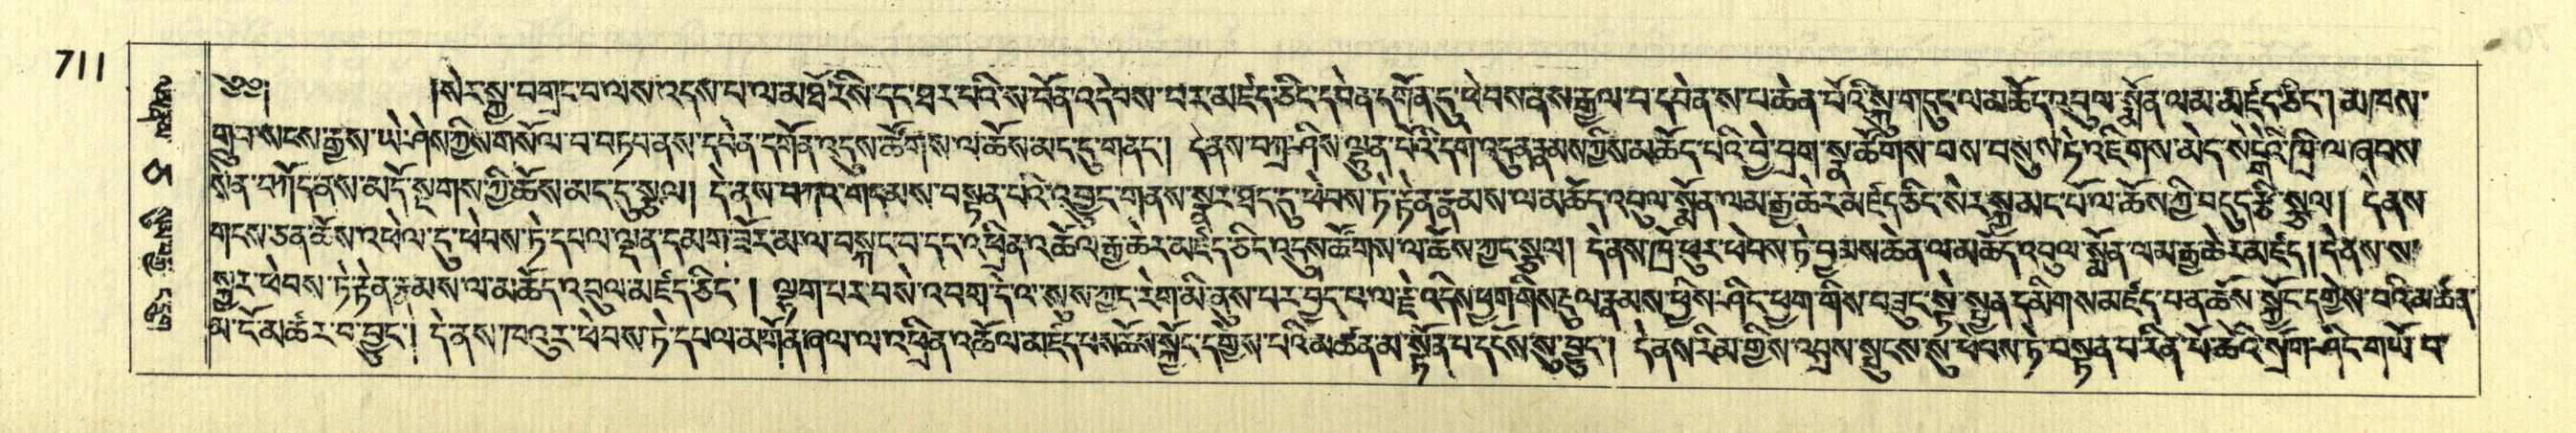༄༅། །སེར་སྐྱ་བགྲང་བ་ལས་འདས་པ་ལ་མཐོ་རིས་དང་ཐར་པའི་ས་བོན་འདེབས་པར་མཛད་ཅིང་དབེན་དགོན་དུ་ཕེབས་ནས་རྒྱལ་བ་དབེན་ས་པ་ཆེན་པོའི་སྐུ་གདུང་ལ་མཆོད་འབུལ་སྨོན་ལམ་མཛད་ཅིང་། མཁས་
གྲུབ་སངས་རྒྱས་ཡེ་ཤེས་ཀྱིས་གསོལ་བ་བཏབ་ནས་དབེན་དགོན་འདུས་ཚོགས་ལ་ཆོས་མང་དུ་གནང་། དེ་ནས་བཀྲ་ཤིས་ལྷུན་པོའི་དགེ་འདུན་རྣམས་ཀྱིས་མཆོད་པའི་བྱེ་བྲག་སྣ་ཚོགས་བས་བསུས་ཏེ་འཇིགས་མེད་སེངྒེའི་ཁྲི་ལ་ཞབས་
སེན་བཀོད་ནས་མདོ་སྔགས་ཀྱི་ཆོས་མང་དུ་སྩལ། དེ་ནས་བཀའ་གདམས་བསྟན་པའི་འབྱུང་གནས་སྣར་ཐང་དུ་ཕེབས་ཏེ་རྟེན་རྣམས་ལ་མཆོད་འབུལ་སྨོན་ལམ་རྒྱ་ཆེར་མཛད་ཅིང་སེར་སྐྱ་མང་པོ་ལ་ཆོས་ཀྱི་བདུད་རྩི་སྩལ། དེ་ནས་
གངས་ཅན་ཆོས་འཕེལ་དུ་ཕེབས་ཏེ་དཔལ་ལྡན་དམག་ཟོར་མ་ལ་བསྐང་བ་དང་འཕྲིན་འཆོལ་རྒྱ་ཆེར་མཛད་ཅིང་འདུས་ཚོགས་ལ་ཆོས་ཀྱང་སྩལ། དེ་ནས་ཁྲོ་ཕུར་ཕེབས་ཏེ་བྱམས་ཆེན་ལ་མཆོད་འབུལ་སྨོན་ལམ་རྒྱ་ཆེར་མཛད། དེ་ནས་ས་
སྐྱར་ཕེབས་ཏེ་རྟེན་རྣམས་ལ་མཆོད་འབུལ་མཛད་ཅིང་། ལྷག་པར་བསེ་འབག་དེ་ལ་སུས་ཀྱང་རེག་མི་ནུས་པར་བྱེད་པ་ལ་རྗེ་འདིས་ཕྱག་གིས་རྡུལ་རྣམས་ཕྱིས་ཤིང་ཕྱག་གིས་བཟུང་སྟེ་སྤྱན་དམིགས་མཛད་པ་ན་ཆོས་སྐྱོང་དགྱེས་པའི་མཚན་
མ་ངོ་མཚར་བ་བྱུང་། དེ་ནས་ཁའུར་ཕེབས་ཏེ་དཔལ་མགོན་ཞལ་ལ་འཕྲིན་འཆོལ་མཛད་པས་ཆོས་སྐྱོང་དགྱེས་པའི་མཚན་མ་སྟོན་པ་དངོས་སུ་བྱུང་། དེ་ནས་རིམ་གྱིས་འབྲས་སྤུངས་སུ་ཕེབས་ཏེ་བསྟན་པ་རིན་པོ་ཆེའི་སྲོག་ཤིང་གཡོ་བ་